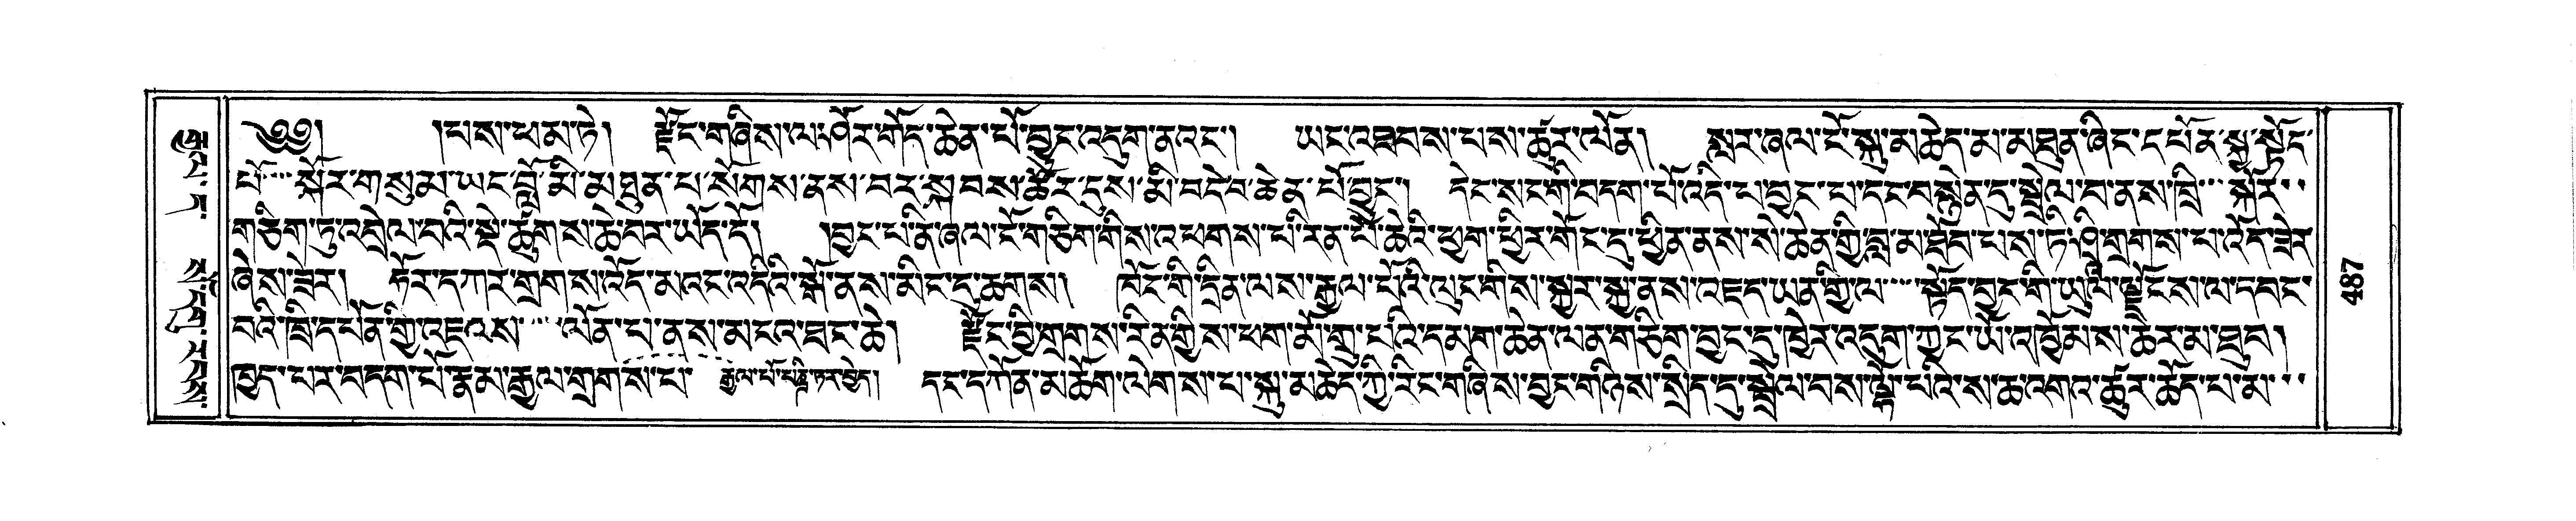༄༅། །པས་ཕམ་ཏེ། རྫོང་གཞིས་ལ་ཤོར་གོད་ཆེན་པོ་བྱུང་འདུག་ནའང་། ཡང་འཐབས་པས་ཚུར་ལོན། སླར་ཞལ་ངོ་སྐུ་མཆེད་མ་མཐུན་ཞིང་དཔོན་སྐྱ་སྟོང་
པོ་སྐོར་གསུམ་ཡང་བློ་མི་མཐུན་པ་སོགས་ནས་བར་སྐབས་ཚོར་དུས་མི་བདེ་བ་ཆེན་པོ་བྱུང་། དེང་སང་གི་བདག་པོ་འདི་པ་བྱང་པ་དང་བསྙེན་དུ་སྦྲེལ་བ་ནས་ཁྲི་སྐོར་
གཅིག་ཏུ་འབྲེལ་བའི་སྡེ་ཚུགས་ཆེ་བར་ཡོད་དོ། །བྱང་པ་ནི་ཞལ་ངོ་གཅིག་གིས་འཕགས་པ་རིན་པོ་ཆེའི་ཕྱག་ཕྱིར་གོང་དུ་ཕྱིན་ནས་སེ་ཆེན་གྱི་བླ་མ་ཐོབ་པས་ཏི་ཤྲཱི་གྲགས་པ་འོད་ཟེར་
ཞེས་ཟེར། ཧོར་དཀར་གྲགས་འོད་མའང་འདིའི་སྒོ་ནས་མིང་དུ་ཆགས། ཁོང་གི་དྲིན་ལས་རྒྱལ་པོའི་ལུང་གིས་སྐྱར་སྐྱ་ནས་འཇད་ཡན་གྱི་ལ་སྟོད་བྱང་གི་ཡུལ་ལྗོངས་ལ་དབང་
བའི་ཁྲི་དཔོན་གྱི་འཇའ་ས་ལོན་པ་ནས་མངའ་ཐང་ཆེ། རྫོང་བྱི་གྲགས་རིན་གྱིས་ཕག་མོ་གྲུ་པའི་དམག་ཆེན་ལན་གཅིག་བྱང་དུ་ཁྱེར་འདུག་ཀྱང་ཡོ་འཁྱོམས་ཆེར་མ་ཐུབ།
ཁྱད་པར་བདག་པོ་རྣམ་རྒྱལ་གྲགས་པ་རྒྱལ་པོ་པཎྜི་ཏར་བྱེད།  དང་དཀོན་མཆོག་ལེགས་པ་སྐུ་མཆེད་ཀྱི་རིང་གཞིས་བྱང་གཉིས་སྲིད་དུ་སྦྲེལ་བས་ལྷོ་པའི་ས་ཆ་འགའ་ཚུར་ཆོད་པ་མ་